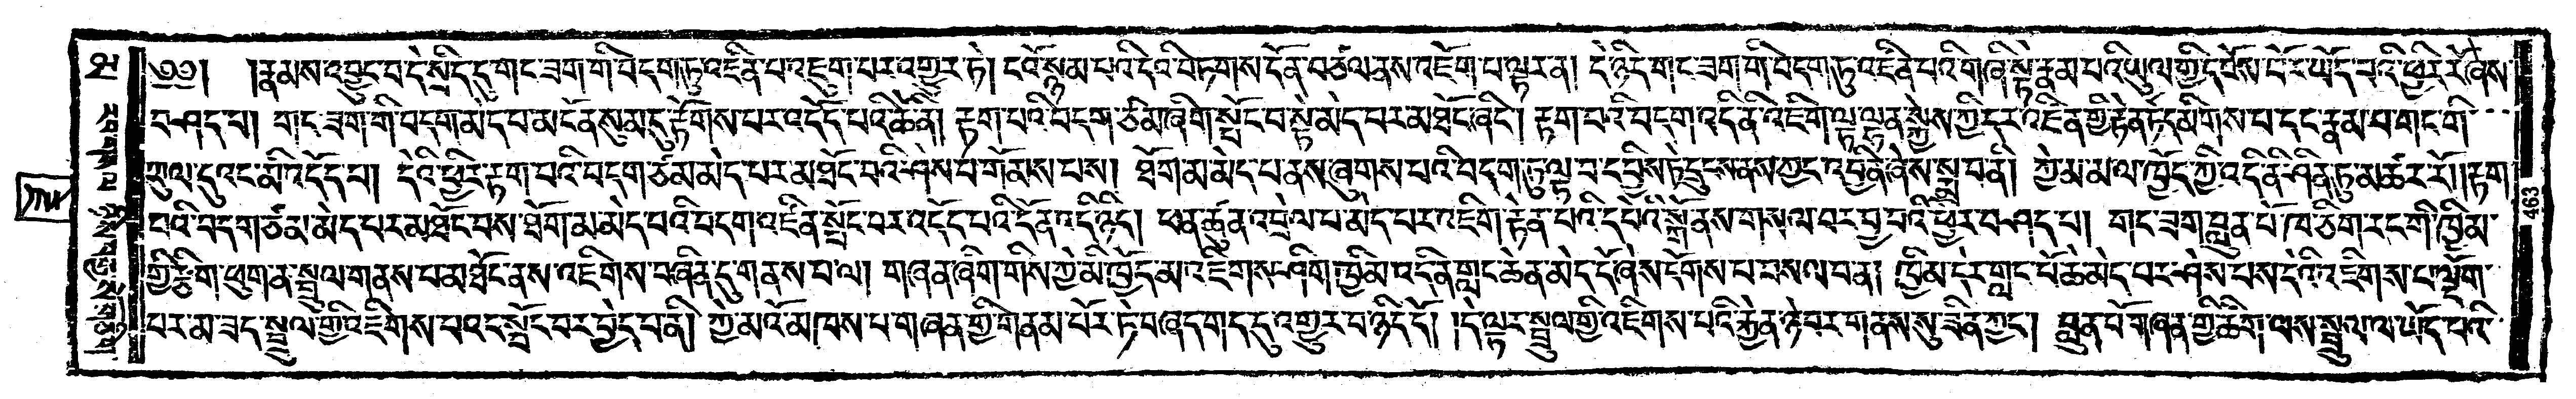༄༅། །རྣམས་འབྱུང་བ་དེ་སྲིད་དུ་གང་ཟག་གི་བདག་ཏུ་འཛིན་པ་འཇུག་པར་འགྱུར་ཏེ། ངའོ་སྙམ་པའི་ངའི་བཏགས་དོན་བཙལ་ནས་འཇོག་པ་ལྟར་ན། དེ་ཉིད་གང་ཟག་གི་བདག་ཏུ་འཛིན་པའི་གཞི་སྟེ་རྣམ་པའི་ཡུལ་གྱི་དངོས་པོར་ཡོད་པའི་ཕྱིར་རོ་ཞེས་
བཤད་པ། གང་ཟག་གི་བདག་མེད་པ་མངོན་སུམ་དུ་རྟོགས་པར་འདོད་པའི་ཚེ་ན། རྟག་པའི་བདག་ཙམ་ཞིག་སྤོང་བ་སྟེ་མེད་པར་མཐོང་ཞིང་། རྟག་པའི་བདག་འདི་ནི་འཇིག་ལྟ་ལྷན་སྐྱེས་ཀྱི་ངར་འཛིན་གྱི་རྟེན་ཏེ་དམིགས་པ་དང་རྣམ་པ་གང་གི་
ཡུལ་དུའང་མི་འདོད་པ། དེའི་ཕྱིར་རྟག་པའི་བདག་ཙམ་མེད་པར་མཐོང་བའི་ཤེས་པ་གོམས་པས། ཐོག་མ་མེད་པ་ནས་ཞུགས་པའི་བདག་ཏུ་ལྟ་བ་དཔྱིས་ཏེ་དྲུངས་ནས་ཀྱང་འབྱིན་ཞེས་སྨྲ་བ་ནི། ཀྱེ་མ་མ་ལ་ཁྱོད་ཀྱི་འདི་ནི་ཤིན་ཏུ་མཚར་རོ། །རྟག་
པའི་བདག་ཙམ་མེད་པར་མཐོང་བས་ཐོག་མ་མེད་པའི་བདག་འཛིན་སྤོང་བར་འདོད་པའི་དོན་འདི་ཉིད། ཕན་ཚུན་འབྲེལ་པ་མེད་པར་འཇིག་རྟེན་པའི་དཔེའི་སྒོ་ནས་གསལ་བར་བྱ་བའི་ཕྱིར་བཤད་པ། གང་ཟག་བླུན་པོ་ཁ་ཅིག་རང་གི་ཁྱིམ་
གྱི་རྩིག་ཕུག་ན་སྦྲུལ་གནས་པ་མཐོང་ནས་འཇིགས་བཞིན་དུ་གནས་པ་ལ། གཞན་ཞིག་གིས་ཀྱེ་མི་ཁྱོད་མ་འཇིགས་ཤིག་ཁྱིམ་འདི་ན་གླང་ཆེན་མེད་དོ་ཞེས་དོགས་པ་བསལ་བ་ན། ཁྱིམ་དེར་གླང་པོ་ཆེ་མེད་པར་ཤེས་པས་དེའི་འཇིགས་པ་ལྡོག་
པར་མ་ཟད་སྦྲུལ་གྱི་འཇིགས་པའང་སྤོང་བར་བྱེད་པ་ནི། ཀྱེ་མའོ་མཁས་པ་གཞན་གྱི་གནམ་པོར་ཏེ་བཞད་གད་དུ་འགྱུར་བ་ཉིད་དོ། །དེ་ལྟར་སྦྲུལ་གྱི་འཇིགས་པའི་རྐྱེན་ཉེ་བར་གནས་སུ་ཟིན་ཀྱང་། བླུན་པོ་གཞན་གྱི་ཚིག་ལས་སྦྲུལ་ལ་ཡོད་པའི་